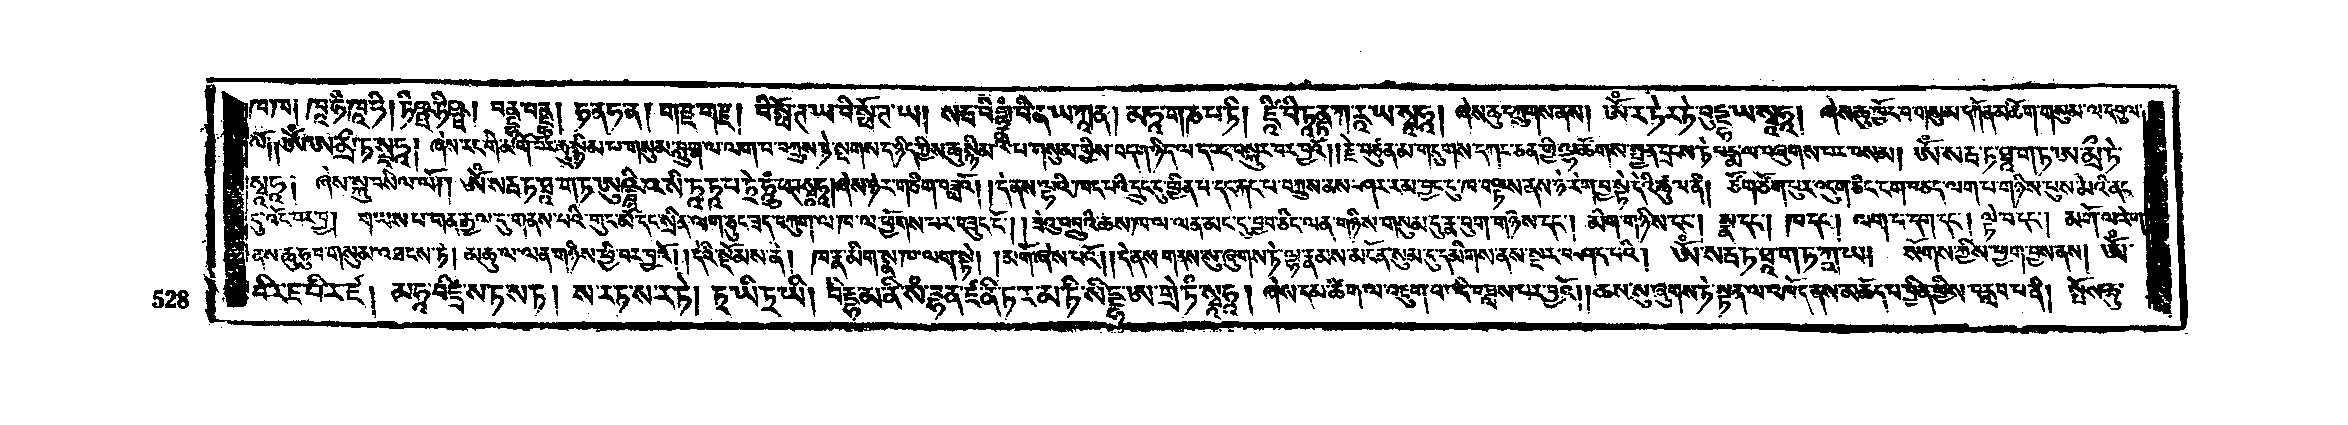ཁ་ཁ། ཁཱ་ཧི་ཁཱ་ཧི། ཏིཥཊཿཨ་ཏིཥཊཿཨ། བནྡྷ་བནྡྷ། ཧ་ན་ཧ་ན། གརྫ་གརྫ། བི་སྥོ་ཊ་ཡ་བི་སྥོ་ཊ་ཡ། སརྦ་བི་གྷྣཱཾ་བི་ན་ཡ་ཀཱན། མཧཱ་ག་ཎ་པ་ཏི། ཛཱི་བི་ཏཱནྟ་ཀ་རཱ་ཡ་སྭཱཧཱ། ཞེས་ཆུ་དཀྲུགས་ནས།  ཨོཾ་ར་ཏེར་ཏེ་བུདྡྷ་ཡ་སྭཱཧཱ། ཞེས་ཆུ་ཁྱོར་བ་གསུམ་དཀོན་མཆོག་གསུམ་ལ་དབུལ་
ལོ༑ ༑ ཨོཾ་ཨ་མྲྀ་ཏ་སྭཱཧཱ། ཞེས་རང་གི་མགོ་བོར་ཆུ་སྙིམ་པ་གསུམ་བླུག་ལ་ལག་པ་བཀྲུས་ཏེ་སྔགས་དེ་ཉིད་ཀྱིས་ཆུ་སྙིམ་པ་གསུམ་གྱིས་བདག་ཉིད་ལ་དབང་བསྐུར་བར་བྱའོ། །རྗེ་བཙུན་མ་གདུགས་དཀར་ཅན་གྱི་ལྷ་ཚོགས་སྤྱན་དྲངས་ཏེ་པདམ་ལ་བཞུགས་པར་བསམ།  ཨོཾ་སརྦ་ཏ་ཐཱ་ག་ཏ་ཨ་མྲྀ་ཏེ་
སྭཱཧཱ། ཞེས་སྐུ་བསིལ་ལོ།  །ཨོཾ་སརྦ་ཏ་ཐཱ་ག་ཏ་ཨུཥྞཱི་ཥ་སི་ཏཱ་ཏཱ་པ་ཏྲེ་ཧཱུཾ་ཕཊ་སྭཱཧཱ། ཞེས་ཉེར་གཅིག་བཟླའོ། །དེ་ནས་ལྷའི་ཁང་པའི་དྲུང་དུ་ཕྱིན་པ་དང་རྐང་པ་བཀྲུས་ནས་ཤར་རམ་བྱང་དུ་ཁ་བལྟས་ནས་ཉེ་རེག་བྱ་སྟེ་དེའི་ཚུལ་ནི། ཙོག་ཙོག་པུར་འདུག་ཅིང་ངག་བཅད་ལག་པ་གཉིས་པུས་མོའི་ནང་
དུ་འོང་བར་བྱ། གཡས་པ་གན་རྐྱལ་དུ་གནས་པའི་གུང་མོ་དང་སྲིན་ལག་ཅུང་ཟད་བཀུག་ལ་ཁ་ལ་ཕྱོགས་པར་བཟུང་ངོ། །ཟེའུ་འབྲུའི་ཆས་ཁ་ལ་ལན་མང་དུ་བྱ་བ་ཅིང་ལན་གཉིས་གསུམ་དུ་རྣ་བུག་གཉིས་དང་། མིག་གཉིས་དང་། སྣ་དང་། ཁ་དང་། ལག་པ་དག་དང་། ལྟེ་བ་དང་། མགོ་ལ་རེག་
ནས་ཆུ་ཧུ་བ་གསུམ་འཐུངས་ཏེ། མཆུ་ལ་ལན་གཉིས་ཕྱི་བར་བྱའོ། །དེའི་སྡོམས་ནི། ཁ་རྣ་མིག་སྣ་ཁ་ལག་སྟེ། །མགོ་ཞེས་པའོ། །དེ་ནས་གནས་སུ་ཞུགས་ཏེ་ལྷ་རྣམས་མངོན་སུམ་དུ་དམིགས་ནས་སྔར་བཤད་པའི། ཨོཾ་སརྦ་ཏ་ཐཱ་ག་ཏ་ཀཱ་ཡ། སོགས་ཀྱིས་ཕྱག་བྱས་ནས།  ཨོཾ་
བི་ར་ཛ་བི་ར་ཛ། མཧཱ་བཛྲི་ས་ཏ་ས་ཏ། ས་ར་ཏ་ས་ར་ཏེ། ཏྲ་ཡི་ཏྲ་ཡི། བིརྡྷ་མ་ནི་སཾ་བྷན་ཛ་ནི་ཏ་ར་མ་ཏི་སིདྡྷ་ཨ་གྲེ་ཏཾ་སྭཱཧཱ། ཞེས་དམ་ཚིག་ལ་འཇུག་པ་འདི་བཟླས་པར་བྱའོ། །ཆས་སུ་ཞུགས་ཏེ་སྟན་ལ་འཁོད་ནས་མཆོད་པ་བྱིན་གྱིས་བརླབ་པ་ནི། སྤོས་ཆུ་